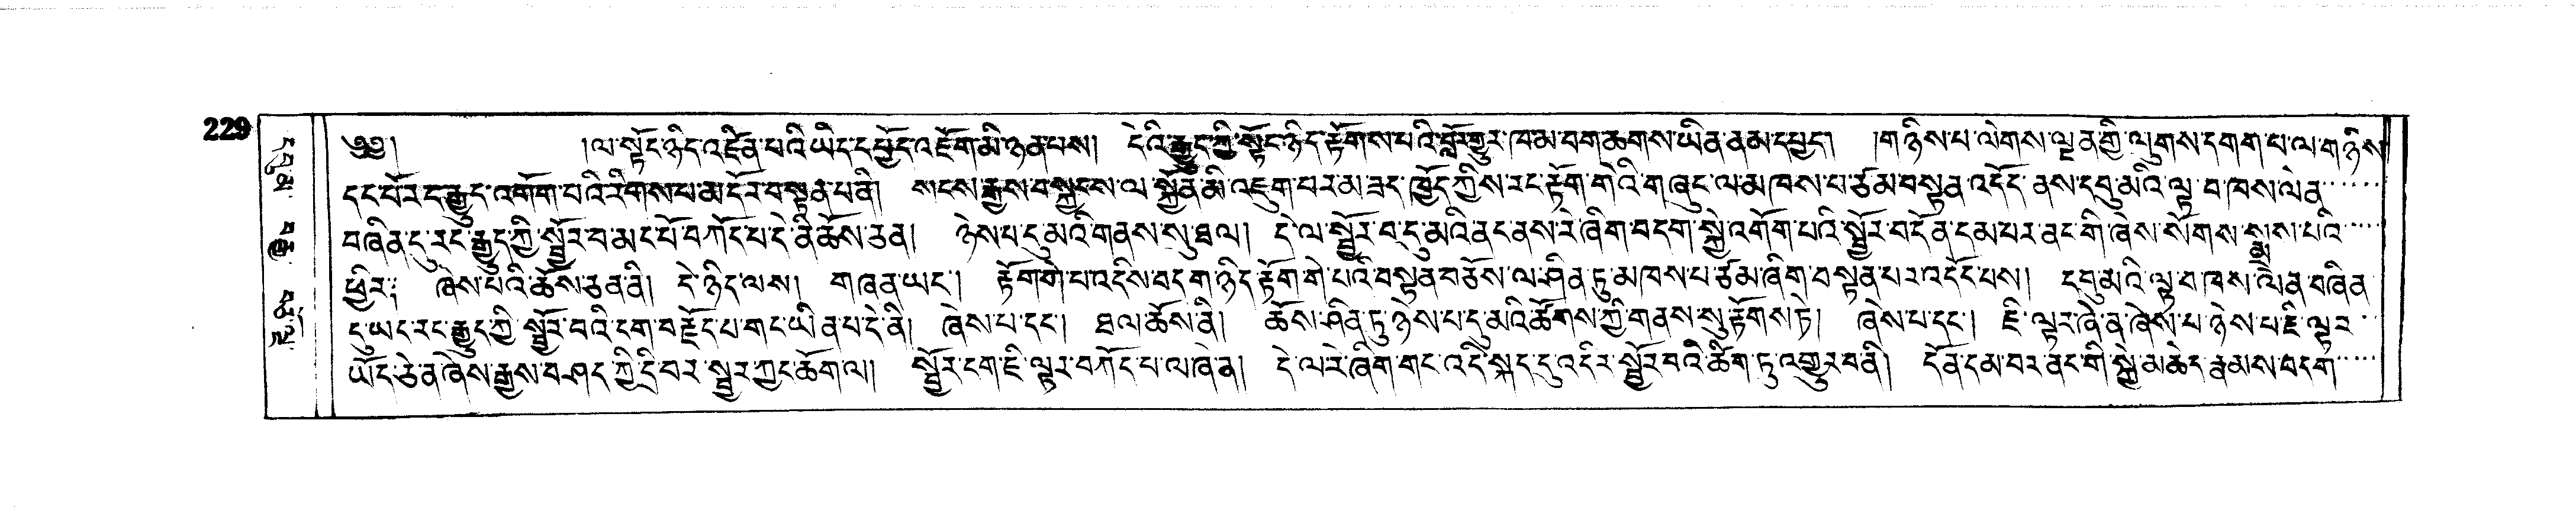༄༅། །ལ་སྟོང་ཉིད་འཛིན་པའི་ཡིད་དཔྱོད་འཇོག་མི་ཉན་པས། དེའི་རྒྱུད་ཀྱི་སྟོང་ཉིད་རྟོགས་པའི་བློར་གྱུར་ཁ་མ་བག་ཆགས་ཡིན་ནམ་དཔྱད། །གཉིས་པ་ལེགས་ལྡན་གྱི་ལུགས་དགག་པ་ལ་གཉིས་
དང་པོ་རང་རྒྱུད་འགོག་པའི་རིགས་པ་མདོར་བསྟྣ་པ་ནི། སངས་རྒྱས་བསྐྱངས་ལ་སྐྱོན་མི་འཇུག་པར་མ་ཟད་ཁྱོད་ཀྱིས་རང་རྟོག་གེའི་གཞུང་ལ་མཁས་པ་ཙམ་བསྟན་འདོད་ནས་དབུ་མའི་ལྟ་བ་ཁས་ལེན་
བཞིན་དུ་རང་རྒྱུད་ཀྱི་སྦྱོར་བ་མང་པོ་བཀོད་པ་དེ་ནི་ཆོས་ཅན། ཉེས་པ་དུ་མའི་གནས་སུ་ཐལ། དེ་ལ་སྦྱོར་བ་དུ་མའི་ནང་ནས་རེ་ཞིག་བདག་སྐྱེ་འགོག་པའི་སྦྱོར་བ་དོན་དམ་པར་ནང་གི་ཞེས་སོགས་སྨྲས་པའི་
ཕྱིར༑ ཞེས་པའི་ཆོས་ཅན་ནི། དེ་ཉིད་ལས། གཞན་ཡང་། རྟོག་གེ་པ་འདིས་བདག་ཉིད་རྟོག་གེ་པའི་བསྟན་བཅོས་ལ་ཤིན་ཏུ་མཁས་པ་ཙམ་ཞིག་བསྟན་པར་འདོད་པས། དབུ་མའི་ལྟ་བ་ཁས་ལེན་བཞིན་
དུ་ཡང་རང་རྒྱུད་ཀྱི་སྦྱོར་བའི་ངག་བརྗོད་པ་གང་ཡིན་པ་དེ་ནི། ཞེས་པ་དང་། ཐལ་ཆོས་ནི། ཆོས་ཤིན་ཏུ་ཉེས་པ་དུ་མའི་ཚོགས་ཀྱི་གནས་སུ་རྟོགས་ཏེ། ཞེས་པ་དང་། ཇི་ལྟར་ཞེ་ན་ཞེས་པ་ཉེས་པ་ཇི་ལྟར་
ཡོད་ཅེ་ན་ཞེས་རྒྱས་བཤད་ཀྱི་དྲི་བར་སྦྱར་ཀྱང་ཆོག་ལ། སྦྱོར་ངག་ཇི་ལྟར་བཀོད་པ་ལ་ཞེ་ན། དེ་ལ་རེ་ཞིག་གང་འདི་སྐད་དུ་འདིར་སྦྱོར་བའི་ཚིག་ཏུ་འགྱུར་བ་ནི། དོན་དམ་བར་ནང་གི་སྐྱེ་མཆེད་རྣམས་བདག་